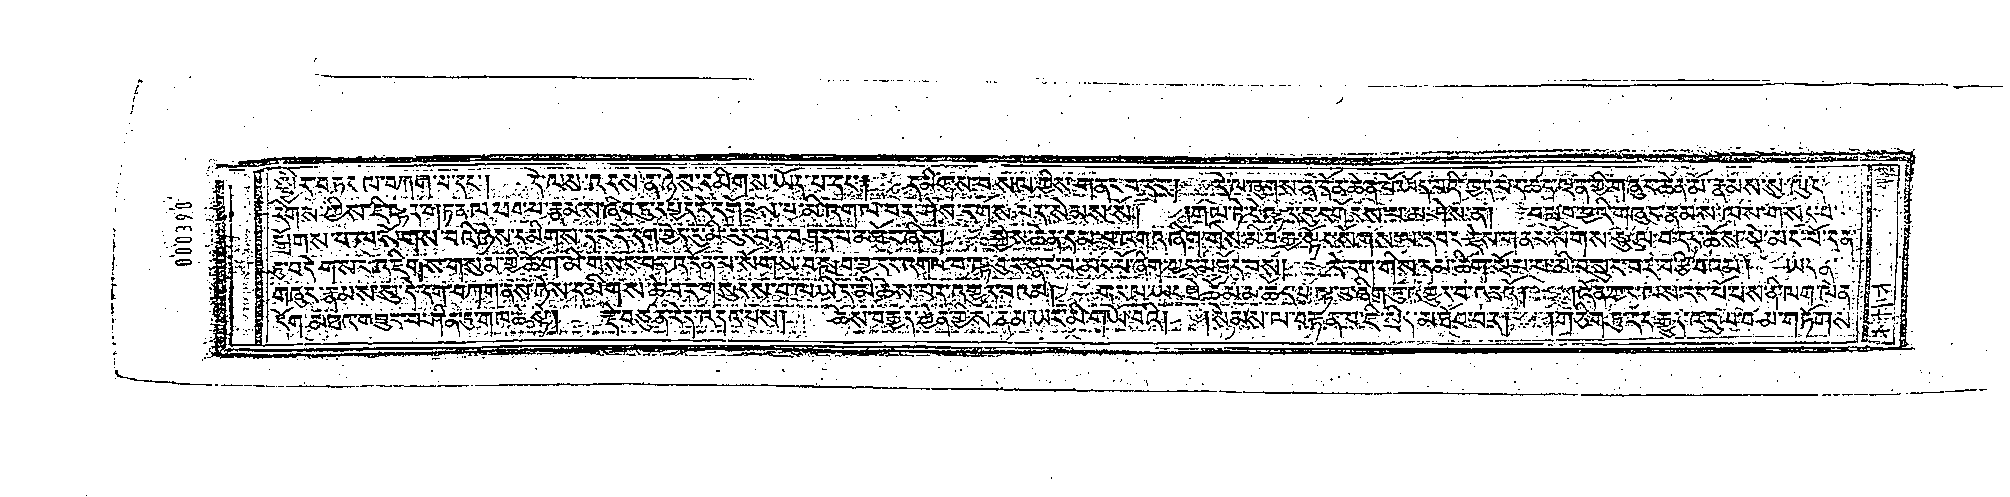སྤྱིར་བཏང་ལ་བཀག་པ་དང་། དེ་ལས་འདས་ན་ཉེས་དམིགས་ཡོད་པ་དང་། དམིགས་བསལ་གྱིས་གནང་བ་དང་། དེ་ལ་ཞུགས་ན་དོན་ཆེན་པོ་ཡོད་པའི་ཁྱད་པར་ཚད་ལྡན་གྱི་གཞུང་ཆེན་མོ་རྣམས་སུ་ལུང་
རིགས་ཀྱིས་ཇི་ལྟར་གཏན་ལ་ཕབ་པ་རྣམས་ཞིབ་ཏུ་དཔྱད་དེ་དགོངས་པ་མི་འགལ་བར་ཤེས་དགོས་པར་སེམས་སོ། །གལ་ཏེ་དེ་ལྟར་དུ་དགོངས་པ་མ་ཤེས་ན། བསླབ་བྱའི་གཞུང་རྣམས་ལས་གསང་བ་
སྒྲོགས་པ་ལ་སོགས་པའི་ཉེས་དམིགས་དང་དེ་དག་བྱེད་དུ་མི་རུང་བར་བཤད་པ་མཐོང་ཞིང་། སྐྱེས་ཆེན་དམ་པ་འགའ་ཞིག་གིས་མི་བརྒྱ་སྟོང་སོགས་ལ་དབང་རྗེས་གནང་སོགས་སྩལ་བ་དང་ཆོས་སྡེ་མང་པོ་དན་
ཏུ་བདེ་གསང་འཇིགས་གསུམ་གྱི་ཆོ་ག་མི་གསང་བར་འདོན་པ་སོགས་བསླབ་ཡ་དང་འགལ་བ་ལྟ་བུར་སྣང་བ་མང་པོ་ཞིག་ཀྱང་མཐོང་བས། དེ་དག་གིས་དམ་ཚིག་སྡོམ་པ་མི་བསྲུང་བར་བརྩི་བའམ། ཡང་ན་
གཞུང་རྣམས་སུ་དེ་དག་བཀག་ནས་ཉེས་དམིགས་ཚེ་བར་གསུངས་པ་ལ་ཡིད་མི་ཆེས་པར་འགྱུར་བའམ། གང་ལ་ཡང་ཐེ་ཚོམ་མ་ཆོད་པ་ལྟ་བུ་ཞིག་ཏུ་འགྱུར་བ་འདྲའོ། །འོན་ཀྱང་ལས་དང་པོ་པས་ནི་ལག་ལེན་
དོག་མཐའ་གཟུང་བ་ཤིན་ཏུ་གལ་ཆེ་སྟེ། རྗེ་བཙུན་རེད་འདའ་པས། ཆོས་བརྒྱད་རྐྱེན་གྱིས་ནམ་ཡང་མི་གཡོ་བའི། །སེམས་ལ་བརྟན་པ་ཇི་སྲིད་མ་ཐོབ་བར། །གཅིག་ཏུ་རང་རྒྱུད་འདུལ་བ་མ་གཏོགས་